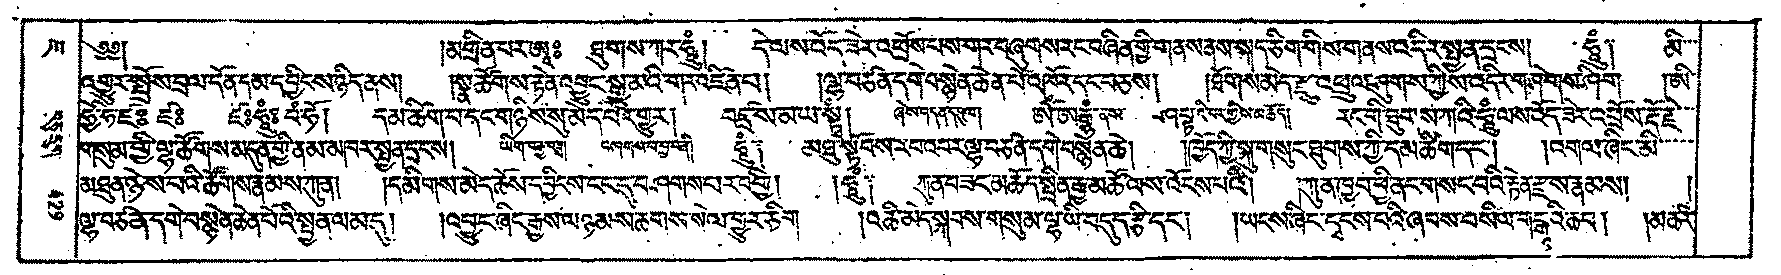༄༅། །མགྲིན་པར་ཨཱཿ ཐུགས་ཀར་ཧཱུཾ། དེ་ལས་འོད་ཟེར་འཕྲོས་པས་གར་བཞུགས་རང་བཞིན་གྱི་གནས་ནས་སྐད་ཅིག་གིས་གནས་འདིར་སྤྱན་དྲངས། ཧཱུཾ། མི་
འགྱུར་སྤྲོས་བྲལ་དོན་དམ་དབྱིངས་ཉིད་ནས། །སྣ་ཚོགས་རྟེན་འབྱུང་སྒྱུ་མའི་གར་འཛིན་པ། །ལྷ་བཙན་དགེ་བསྙེན་ཆེན་པོ་འཁོར་དང་བཅས། །ཐོགས་མེད་རྫུ་འཕྲུལ་ཤུགས་ཀྱིས་འདིར་གཤེགས་ཤིག །ཨི་
ཧྱེ་ཧི་ཛཿ ཛཿ ཛཿ ཧཱུཾཿ བཾ་ཧོ། དམ་ཚིག་པ་དང་གཉིས་སུ་མེད་པར་གྱུར། བཛྲ་ས་མ་ཡ་སྟྭཾ། ཞེས་གདན་དབུལ།  ཨོཾ་ཨརྒྷཾ་ནས་ཤཔྟའི་བར་གྱིས་མཆོད།  རང་གི་ཐུགས་ཀའི་ཧཱུཾ་ལས་འོད་ཟེར་འཕྲོས་རྡོ་རྗེ་
གསུམ་གྱི་ལྷ་ཚོགས་མདུན་གྱི་ནམ་མཁར་སྤྱན་དྲངས། ཡིག་བརྒྱ་བཟླ། བཤགས་པ་བྱ་བཞི།  ཧཱུཾ། མཐུ་སྟོབས་རབ་འབར་ལྷ་བཙན་དགེ་བསྙེན་ཆེ། །ཁྱོད་ཀྱི་སྐུ་གསུང་ཐུགས་ཀྱི་དམ་ཚིག་དང་། །འགལ་ཞིང་མི་
མཐུན་ཉེས་པའི་ཚོགས་རྣམས་ཀུན། །དམིགས་མེད་ཆོས་དབྱིངས་ངང་དུ་བཤགས་པར་བགྱི། །ཧཱུཾ། ཀུན་བཟང་མཆོད་སྤྲིན་རྒྱ་མཚོ་ལས་འོངས་པའི། །ཀུན་ཁྱབ་ཕྱི་ནང་གསང་བའི་རྟེན་རྫས་རྣམས། །
ལྷ་བཙན་དགེ་བསྙེན་ཆེན་པོའི་སྤྱན་ལམ་དུ། །འབྱུང་ཞིང་རྒྱས་ལ་ཉམས་ཆགས་སེལ་གྱུར་ཅིག །འཆི་མེད་སྐབས་གསུམ་ལྷ་ཡི་བདུད་རྩི་དང་། །ཡངས་ཞིང་དྭངས་པའི་ཞབས་བསིལ་གངྒཱའི་ཆབ། །མཚར་